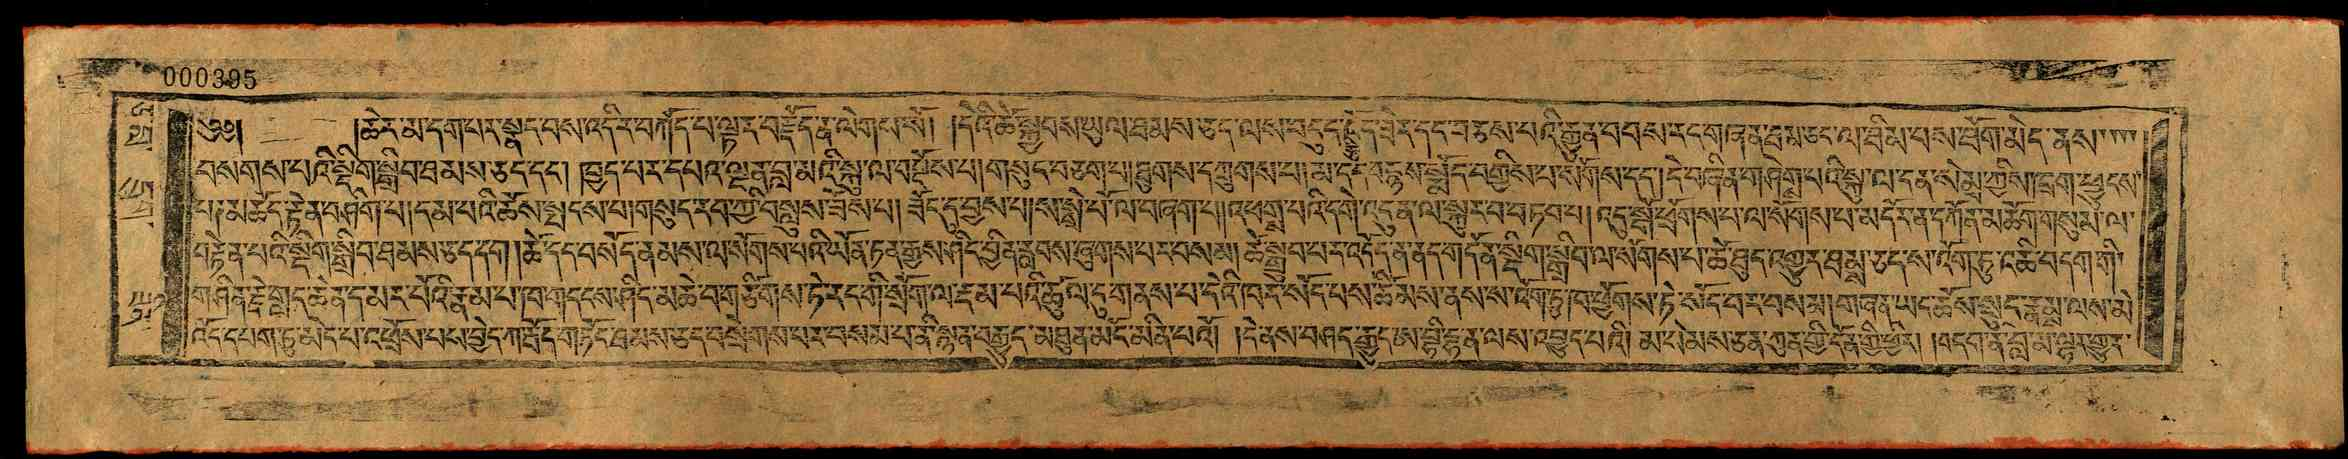༄༅། །ཆེར་མ་དག་པར་སྣང་བས་འདིར་བཀོད་པ་ལྟར་བརྗོད་ན་ལེགས་སོ། །དེའི་ཚེ་སྐྱབས་ཡུལ་ཐམས་ཅད་ལས་བདུད་རྩི་འོད་ཟེར་དང་བཅས་པའི་རྒྱུན་བབས་རང་གཞན་ཐམས་ཅད་ལ་ཐིམ་པས་ཐོག་མེད་ནས་
བསགས་པའི་སྡིག་སྒྲིབ་ཐམས་ཅད་དང་། ཁྱད་པར་དཔལ་ལྡན་བླ་མའི་སྐུ་ལ་བསྡོས་པ། གསུང་བཅག་པ། ཐུགས་དཀྲུགས་པ། མ་དད་བརྙས་སྨོད་བགྱིས་པ་སོགས་དང་། དེ་བཞིན་གཤེགས་པའི་སྐུ་ལ་ངན་སེམས་ཀྱིས་ཁྲག་ཕྱུངས་པ།
མཆོད་རྟེན་བཤིག་པ། དམ་པའི་ཆོས་སྤངས་པ། གསུང་རབ་ཀྱི་བསླུས་ཟོས་པ། ཐོང་དུ་བྱས་པ། ས་སྤྲེ་པོ་ལ་བཞག་པ། འཕགས་པའི་དགེ་འདུན་ལ་སྐུར་པ་བཏབ་པ། འདུ་སྒོ་ཕྲོགས་པ་ལ་སོགས་པ་མདོར་ན་དཀོན་མཆོག་གསུམ་ལ་
བརྟེན་པའི་སྡིག་སྒྲིབ་ཐམས་ཅད་དག །ཚེ་དང་བསོད་ནམས་ལ་སོགས་པའི་ཡོན་ཏན་རྒྱས་ཤིང་བྱིན་རླབས་ཞུགས་པར་བསམ། ཚེ་སྒྲུབ་པར་འདོད་ན་ནད་གདོན་སྡིག་སྒྲིབ་ལ་སོགས་པ་ཚེ་ཐུང་འགྱུར་ཐམས་ཅད་ས་འོག་ཏུ་འཆི་བདག་
གཤིན་རྗེ་གླང་ཆེན་དམར་པོའི་རྣམ་པ་ཁ་གདངས་ཤིང་མཆེ་བ་གཙིགས་ཏེ་རང་གི་སྲོག་ལ་རྔམ་པའི་ཚུལ་དུ་གནས་པ་དེའི་ཁར་སོང་བས་ཚིམས་ནས་ས་འོག་ཏུ་ཁ་ཕྱོགས་ཏེ་སོང་བར་བསམ། གཞན་ཡང་ཆོས་སྲུང་རྣམས་ལས་མེ་
འོད་དཔག་ཏུ་མེད་པ་འཕྲོས་པས་བྱད་ཀ་རྦོད་གཏོང་ཐམས་ཅད་བསྲེགས་པར་བསམ་པ་ནི་སྙན་བརྒྱུད་མཐུན་མོང་མིན་པའོ། །དེ་ནས་བཤད་རྒྱུད་ཨ་བྷི་དྷ་ན་ལས་འབྱུང་བའི། མ་སེམས་ཅན་ཀུན་གྱི་དོན་གྱི་ཕྱིར། །བདག་ནི་བླ་མ་ལྷར་གྱུར་